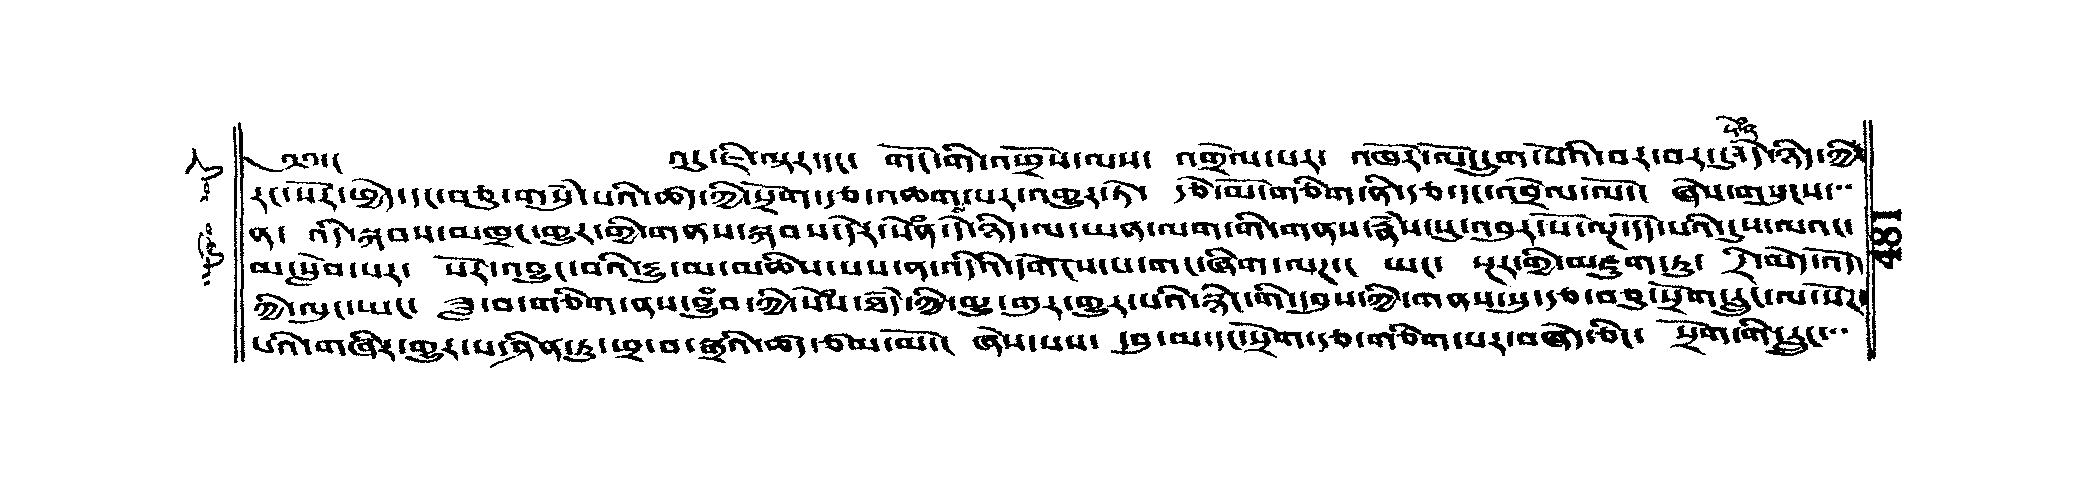འདུ་ཇི་ལྟར་དང་། གོང་གི་འཕྲོས་ལས། འགྲེལ་པར། འཁོར་ལོ་དྲུག་པོའི་བར་བར་དུ་སེམས་ཅན་དེ་ཉིད་ཀྱི་
རང་སོར་ཕྱེད་དང་བཅུ་གསུམ་པའི་ཚད་ཀྱི་སྲོག་རྩ་ཆགས་པར་འགྱུར་ཏེ། རྩེ་མོ་གཅིག་ནི་རྩ་དང་འབྲེལ་ལོ། ཞེས་གསུངས་
ན། འདི་སྐབས་མཁྲང་གྱུར་གྱི་གནས་སྐབས་དེར་སེམས་ཅན་དེ་ཉིད་ལ་ཡན་ལག་གི་གནས་རྣམས་སུ་འབུར་པོ་ལྔ་དོད་པའི་དུས་ལའང་
མ་སླེབ་པར། སོར་འབྱུང་བའི་རྒྱུ་མ་མཆིས་པས་ན་འདིའི་དགོངས་པ་གང་ཞིག་ལགས། ཡང་། སྔར་གྱི་མཇུག་ཏུ། དྲི་མེད་འོད་
ཀྱི་ལུང་ཡང་། ཟླ་བ་གཅིག་ནས་བྱང་ཆུབ་ཀྱི་སེམས་ཐམས་ཅད་ཀྱི་མྱུ་གུར་གྱུར་པའི་སྙིང་གི་དབུས་ཀྱི་གནས་སུ་རྩ་བཅུ་སྲོག་རླུང་ལ་སོགས་
པའི་གཞིར་གྱུར་པ་ཤིན་ཏུ་ཕྲ་བ་སྐྲའི་ཚད་ཙམ་མོ། ཞེས་པས། དབུ་མ་དང་སྲོག་རྩ་གཅིག་པར་བཞེད་ཅིང་། སྲོག་གི་རླུང་